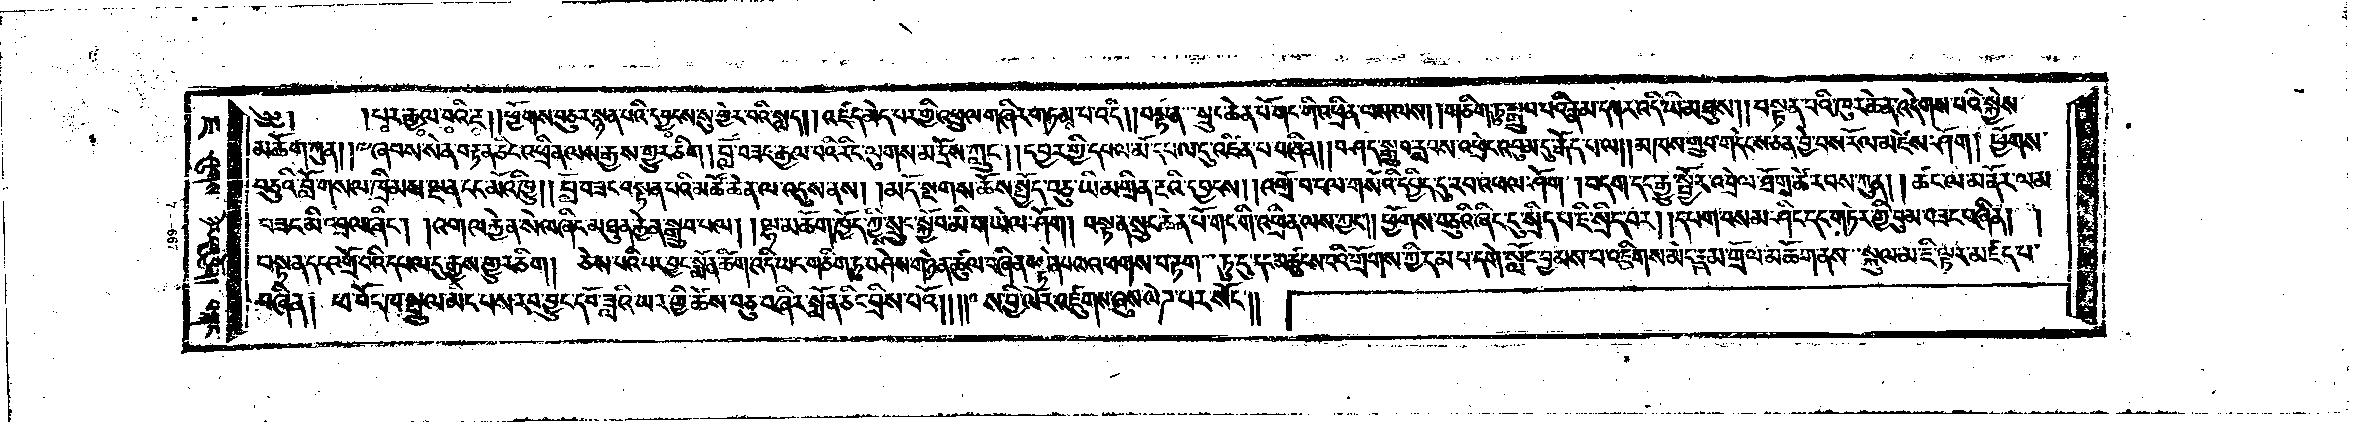༄༅། །པར྾་རྒྱལ྾་བའི྾་རྔ྾། །ཕྱོགས་བཅུར་སྙན་པའི་དབྱངས་སུ་གྱེར་བའི་སླད། །འཛད་མེད་པར་གྱི་འཕྲུལ་གཞིར་གཏམས་པ་འདི། །བསྟན་སྲུང་ཆེན་པོ་གང་གི་འཕྲིན་ལས་ལས། །གཅིག་ཏུ་སྒྲུབ་པའི་རྣམ་དཀར་འདི་ཡི་མཐུས། །བསྟན་པའི་ཁུར་ཆེན་འདེགས་པའི་སྐྱེས་
མཆོག་ཀུན། །ཞབས་སེན་བརྟན་ཅིང་འཕྲིན་ལས་རྒྱས་གྱུར་ཅིག །བློ་བཟང་རྒྱལ་བའི་རིང་ལུགས་མ་དྲོས་ཀླུང་། །དབྱར་གྱི་དཔལ་མོ་དཔལ་དུ་འཛིན་པ་བཞིན། །བཤད་སྒྲུབ་རླབས་འཕྲེང་འབུམ་དུ་རྒོད་པ་ལ། །མཁས་གྲུབ་གདེངས་ཅན་བྱེ་བས་རོལ་མཛེས་ཤོག ། ཕྱོགས་
བཅུའི་བློ་གསལ་ཁྲིམས་ལྡན་ངང་མོའི་ཁྱུ། །བློ་བཟང་བསྟན་པའི་མཚོ་ཆེན་ལ་འདུས་ནས། །མདོ་སྔགས་ཆོས་སྤྱོད་བཅུ་ཡི་མགྲིན་རྔའི་དབྱངས། །འགྲོ་བ་ངལ་གསོའི་དབྱིད་དུ་རབ་འཕལ་ཤོག །བདག་དང་རྒྱུ་སྦྱོར་འབྲེལ་ཐོགས་ཚེ་རབས་ཀུན། །ཚང་ལ་མ་ནོར་ལམ་
བཟང་མི་འབྲལ་ཞིང་། །འགལ་རྐྱེན་སེལ་ཞིང་མཐུན་རྐྱེན་སྒྲུབ་པ་ལ། །ལྷ་མཆོག་ཁྱོད་ཀྱིས་སྲུང་སྐྱོབ་མི་གཡེལ་ཤོག །བསྲུང་ཆེན་པོ་གང་གི་འཕྲིན་ལས་ཀྱང་། །ཕྱོགས་བཅུའི་ཞིང་དུ་རིད་པ་ཇི་སྲིད་པར། །དཔག་བསམ་ཤིང་དང་གཏེར་གྱི་བུམ་བཟང་བཞིན། །
བསྟན་དང་འགྲོ་བའི་དཔལ་དུ་རྒྱས་གྱུར་ཅིག། ཅེས་པའི་བར་བྱང་སྨོན་ཚིག་འདི་ཡང་གཅིག་ཏུ་བཤེས་གཉེན་ཚུལ་བཞིན་བསྟེན་པ་ལ་འཕགས་པ་རྟག་ཏུ་དུ་དང་མཚུངས་པའི་གྲོགས་ཀྱི་དམ་པ་དགེ་སློང་བྱམས་པ་འཇིགས་མེད་རྣམ་གྲོལ་མཆོག་ནས་སྐུལ་མ་ཇི་ལྟར་མཛད་པ་
བཞིན། ཕ་བོང་ཁ་སྤྲུལ་མིད་པས་རབ་བྱུང་དཔོ་ཟླའི་ཡར་གྱི་ཚེས་བཅུ་བཞིར་སྨོན་ཅིང་བྲིས་བའོ།། །།ས་བྱི་ལོར་འཛུགས་ཞུས་ལེཌ་པར་སོང།།